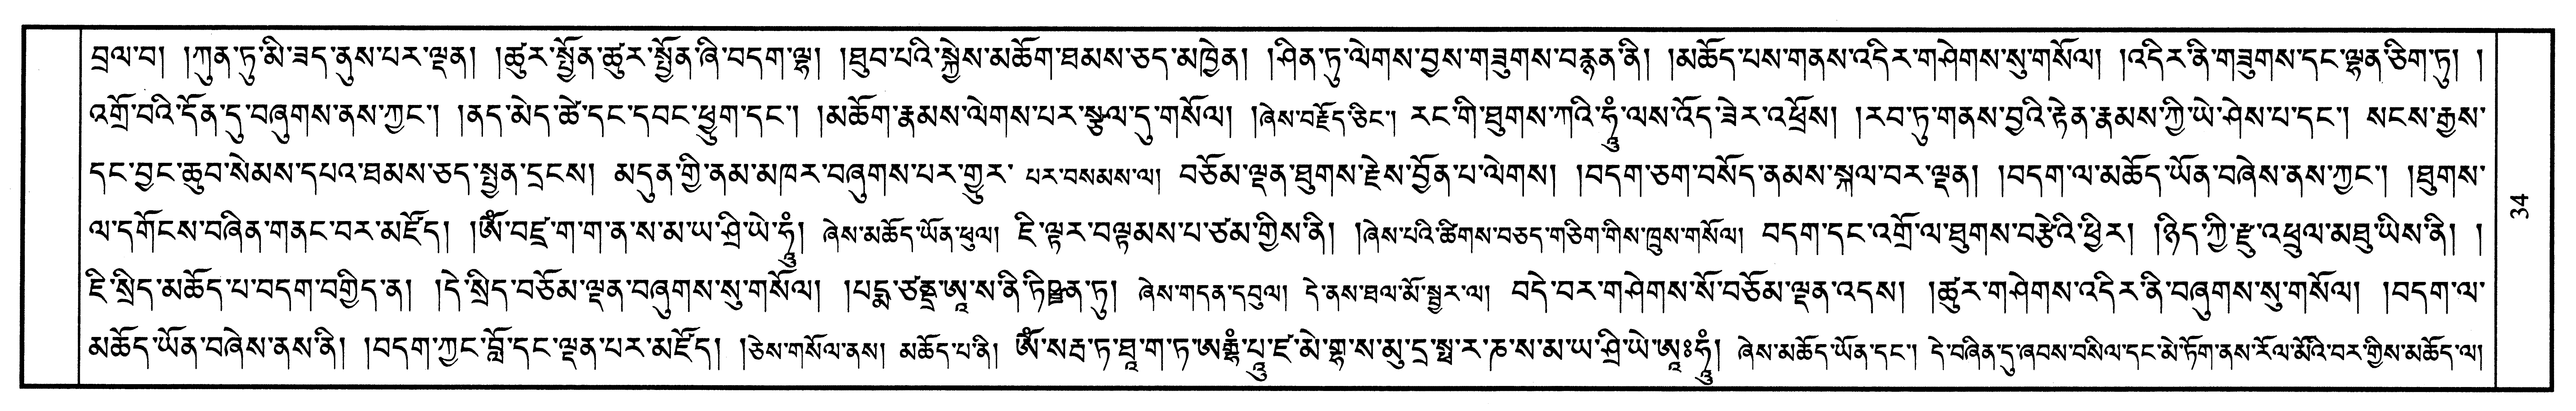བྲལ་བ། །ཀུན་ཏུ་མི་ཟད་ནུས་པར་ལྡན། །ཚུར་སྤྱོན་ཚུར་སྤྱོན་ཞི་བདག་ལྷ། །ཐུབ་པའི་སྐྱེས་མཆོག་ཐམས་ཅད་མཁྱེན། །ཤིན་ཏུ་ལེགས་བྱས་གཟུགས་བརྙན་ནི། །མཆོད་པས་གནས་འདིར་གཤེགས་སུ་གསོལ། །འདིར་ནི་གཟུགས་དང་ལྷན་ཅིག་ཏུ།
འགྲོ་བའི་དོན་དུ་བཞུགས་ནས་ཀྱང་། །ནད་མེད་ཚེ་དང་དབང་ཕྱུག་དང་། །མཆོག་རྣམས་ལེགས་པར་སྩལ་དུ་གསོལ། །ཞེས་བརྗོད་ཅིང་། རང་གི་ཐུགས་ཀའི་ཧཱུཾ་ལས་འོད་ཟེར་འཕྲོས། །རབ་ཏུ་གནས་བྱའི་རྟེན་རྣམས་ཀྱི་ཡེ་ཤེས་པ་དང་། སངས་རྒྱས་
དང་བྱང་ཆུབ་སེམས་དཔའ་ཐམས་ཅད་སྤྱན་དྲངས། མདུན་གྱི་ནམ་མཁར་བཞུགས་པར་གྱུར་པར་བསམས་ལ། བཅོམ་ལྡན་འདས་ཐུགས་རྗེས་བྱོན་པ་ལེགས། །བདག་ཅག་བསོད་ནམས་སྐལ་བར་ལྡན། །བདག་ལ་མཆོད་ཡོན་བཞེས་ནས་ཀྱང་། །ཐུགས་
ལ་དགོངས་བཞིན་གནང་བར་མཛོད། །ཨོཾ་བཛྲ་ག་ག་ན་ས་མ་ཡ་ཤྲི་ཡེ་ཧཱུཾ། ཞེས་མཆོད་ཡོན་ཕུལ། ཇི་ལྟར་བལྟམས་པ་ཙམ་གྱིས་ནི། །ཞེས་པའི་ཚིགས་བཅད་གཅིག་གིས་ཁྲུས་གསོལ། བདག་དང་འགྲོ་ལ་ཐུགས་བརྩེའི་ཕྱིར། །ཉིད་ཀྱི་རྫུ་འཕྲུལ་མཐུ་ཡིས་ནི། །
ཇི་སྲིད་མཆོད་པ་བདག་བགྱིད་ན། །དེ་སྲིད་བཅོམ་ལྡན་བཞུགས་སུ་གསོལ། །པདམ་ཙནྡྲ་ཨཱ་ས་ནི་ཏིཥཊཿཨན་ཏུ། ཞེས་གདན་དབུལ། དེ་ནས་ཐལ་མོ་སྦྱར་ལ། བདེ་བར་གཤེགས་སོ་བཅོམ་ལྡན་འདས། །ཚུར་གཤེགས་འདིར་ནི་བཞུགས་སུ་གསོལ། །བདག་ལ་
མཆོད་ཡོན་བཞེས་ནས་ནི། །བདག་ཀྱང་བློ་དང་ལྡན་པར་མཛོད། །ཅེས་གསོལ་ནས། མཆོད་པ་ནི། ཨོཾ་སརྦ་ཏ་ཐཱ་ག་ཏ་ཨརྒྷཾ་པཱུ་ཛ་མེ་གྷ་ས་མུ་དྲ་སྥ་ར་ཎ་ས་མ་ཡ་ཤྲི་ཡེ་ཨཱཿ ཧཱུཾ། ཞེས་མཆོད་ཡོན་དང་། དེ་བཞིན་དུ་ཞབས་བསིལ་དང་མེ་ཏོག་ནས་རོལ་མོའི་བར་གྱིས་མཆོད་ལ།